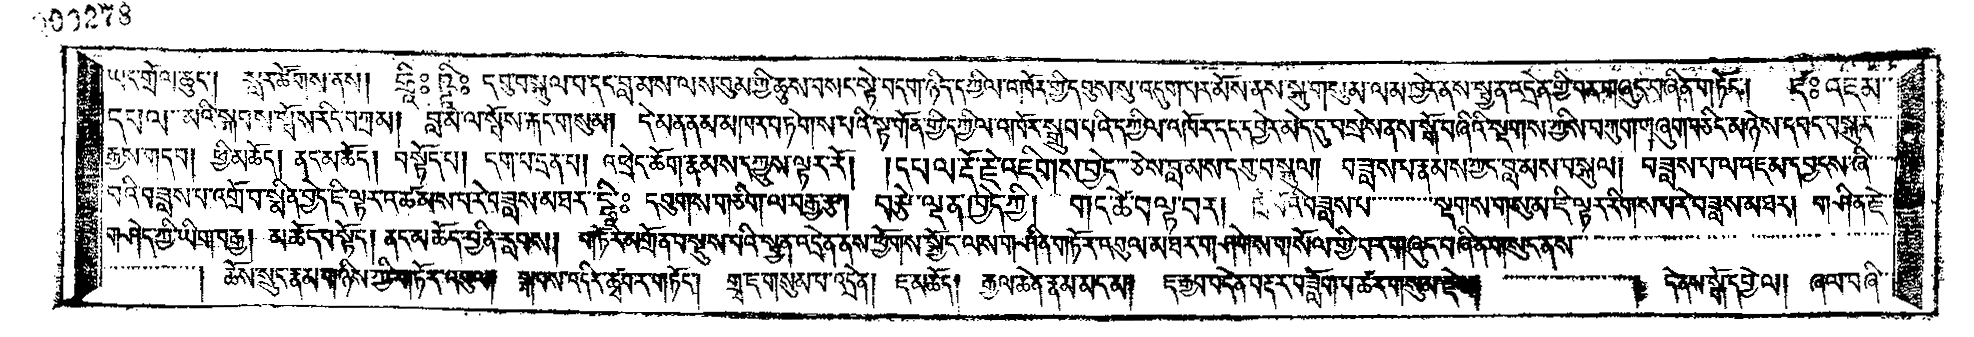ཡང་གྲོལ་ཆུང་། སླར་ཚོགས་ནས། ཧྲཱིཿ ཥྚཱིཿ དབུ་བསྐུལ་བ་དང་བླ་མས་ལས་བུམ་གྱི་ཆུས་བསང་སྟེ་བདག་ཉིད་དཀྱིལ་འཁོར་གྱི་དབུས་སུ་འདུག་པར་མོས་ནས་སྐུ་གསུམ་ལམ་ཁྱེར་ནས་སྤྱན་འདྲེན་གྱི་བར་གཞུང་བཞིན་གཏོང་། ཛཿ འཇམ་
དཔལ་མའི་སྐབས་སྤོས་རིང་བཀྲམ། བླ་མ་ལ་སྤོས་རྐང་གསུམ། དེ་མན་ནམ་མཁར་བཏེགས་པའི་སྟ་གོན་གྱི་དཀྱིལ་འཁོར་སྒྲུབ་པའི་དཀྱིལ་འཁོར་དང་དབྱེར་མེད་དུ་བསྲེས་ནས་སྒོ་བཞིའི་སྔགས་ཀྱིས་བཀུག་གཞུག་བཅིང་མཉེས་དབང་བསྐུར་
རྒྱས་གདབ། ཕྱི་མཆོད། ནང་མཆོད། བསྟོད་པ། དག་པ་དྲན་པ། འཕྲེང་ཆོག་རྣམས་དཀྱུས་ལྟར་རོ། །དཔལ་རྡོ་རྗེ་འཇིགས་བྱེད་ཅེས་བླ་མས་དབུ་བསྐུལ། བཟླས་པ་རྣམས་ཀྱང་བླ་མས་བསྐུལ། བཟླས་པ་ལ་འཇམ་དབྱངས་ཞི་
བའི་བཟླས་པ་འགྲོ་བ་སྨིན་བྱེད་ཇི་ལྟར་འཚམས་པ་རེ་བཟླས་མཐར་དྷཱིཿ དབུགས་གཅིག་ལ་བརྒྱ་རྩ། བརྩེ་ལྡན་ཁྱེད་ཀྱི། གང་ཚེ་བལྟ་བར། ཁྲོ་བོའི་བཟླས་པ་སྔགས་གསུམ་ཇི་ལྟར་རིགས་པ་རེ་བཟླས་མཐར། གཤིན་རྗེ་
གཤེད་ཀྱི་ཡིག་བརྒྱ། མཆོད་བསྟོད། ནང་མཆོད་བྱིན་རླབས། གཏོར་མགྲོན་བསྡུས་པའི་སྤྱན་འདྲེན་ནས་ཕྱོགས་སྐྱོང་ལས་གཤིན་གཏོར་འབུལ་མཐར་གཤེགས་གསོལ་གྱི་བར་གཞུང་བཞིན་གསུང་ནས་
ཆོས་སྲུང་རྣམ་གཉིས་ཀྱི་གཏོར་འབུལ། སྐབས་འདིར་ཚྭབ་ར་གཏོང་། གྲྭ་ཇ་གསུམ་པ་འདྲེན། ཇ་མཆོད། རྒྱལ་ཆེན་རྣམ་མང་མ། ཇ་རྒྱབ་བདེན་བརྡར་བཟློག་པ་ཚར་གསུམ་རྗེས། །དེ་ནས་སྒོ་དབྱེ་ལ། ཞལ་བཞི་